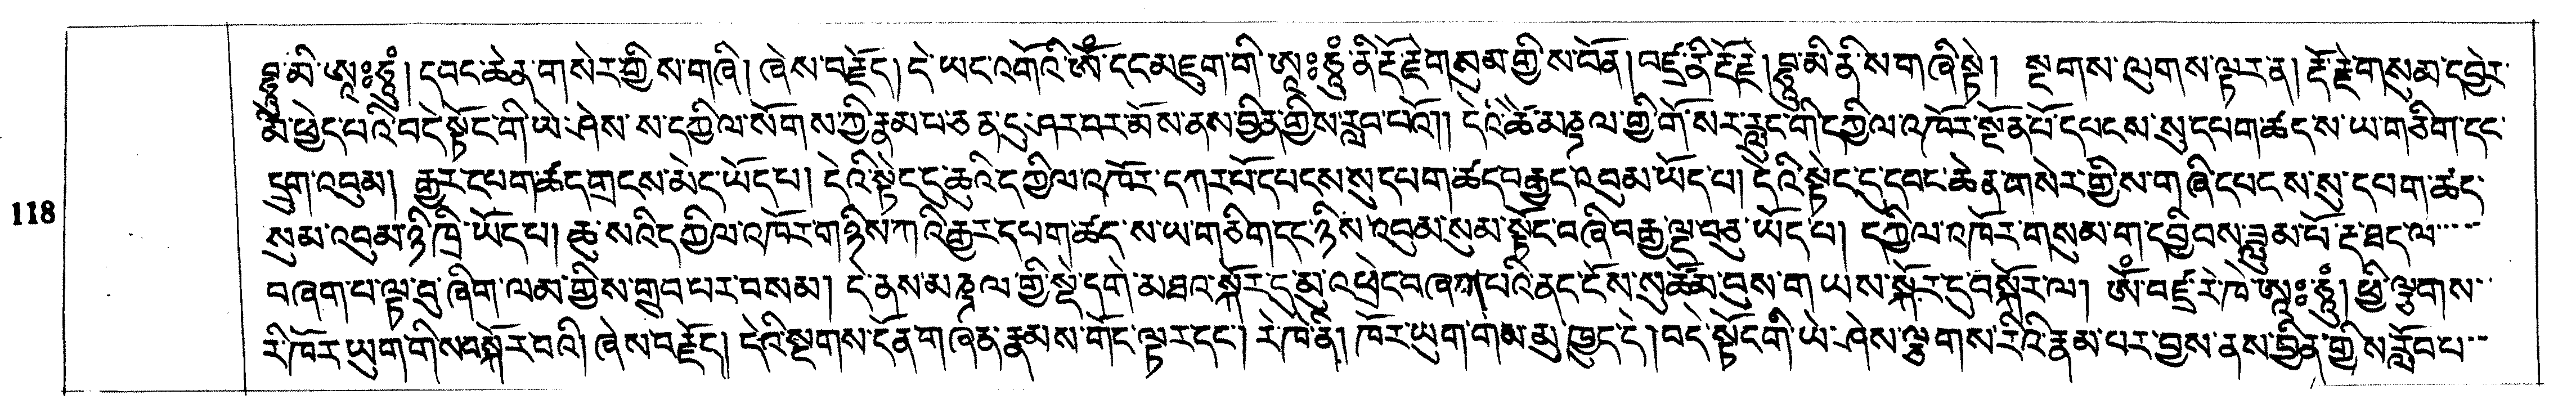བྷཱུ་མི་ཨཱཿ ཧཱུཾ། དབང་ཆེན་གསེར་གྱི་ས་གཞི། ཞེས་བརྗོད། དེ་ཡང་འགོའི་ཨོཾ་དང་མགུག་གི་ཨཱཿ ཧཱུཾ་ནི་རྡོ་རྗེ་གསུམ་གྱི་ས་བོན། བཛྲ་ནི་རྡོ་རྗེ། བྷཱུ་མི་ནི་ས་གཞི་སྟེ། སྔགས་ལུགས་ལྟར་ན། རྡོ་རྗེ་གསུམ་དབྱེར་
མི་ཕྱེད་པའི་བདེ་སྟོང་གི་ཡེ་ཤེས་ས་དཀྱིལ་སོགས་ཀྱི་རྣམ་པ་ཅན་དུ་ཤར་བར་མོས་ནས་བྱིན་གྱིས་རླབ་པའོ། །དེའི་ཚེ་མཎྜལ་གྱི་གོ་སར་རླུང་གི་དཀྱིལ་འཁོར་སྔོན་པོ་དཔངས་སུ་དཔག་ཚད་ས་ཡ་གཅིག་དང་
དྲུག་འབུམ། རྒྱར་དཔག་ཚད་གྲངས་མེད་ཡོད་པ། དེའི་སྟེང་དུ་ཆུའི་དཀྱིལ་འཁོར་དཀར་པོ་དཔངས་སུ་དཔག་ཚད་བརྒྱད་འབུམ་ཡོད་པ། དེའི་སྟེང་དུ་དབང་ཆེན་གསེར་གྱི་ས་གཞི་དཔངས་སུ་དཔག་ཚད་
སུམ་འབུམ་ཉི་ཁྲི་ཡོད་པ། ཆུ་སའི་དཀྱིལ་འཁོར་གཉིས་ཀའི་རྒྱར་དཔག་ཚད་ས་ཡ་གཅིག་དང་ཉིས་འབུམ་སུམ་སྟོང་བཞི་བརྒྱ་ལྔ་བཅུ་ཡོད་པ། དཀྱིལ་འཁོར་གསུམ་ག་དབྱིབས་ཟླུམ་པོ་རྡ་ཐད་ལ་
བཞག་པ་ལྟ་བུ་ཞིག་ལམ་གྱིས་གྲུབ་པར་བསམ། དེ་ནས་མཎྜལ་གྱི་སྡེ་དགེ་མཐའ་སྐོར་དུ་མུ་འཕྲེང་བཞག་པའི་ནང་ངོས་སུ་ཚོམ་བུས་ག་ཡས་སྐོར་དུ་བསྐོར་ལ། ཨོཾ་བཛྲ་རེ་ཁེ་ཨཱཿ ཧཱུཾ། ཕྱི་ལྕགས་
རི་ཁོར་ཡུག་གིས་བསྐོར་བའི། ཞེས་བརྗོད། དེའི་སྔགས་དོན་གཞན་རྣམས་གོང་ལྟར་དང་། རེ་ཁེ་ནི། ཁོར་ཡུག་གམ་མུ་ཁྱུད་དེ། བདེ་སྟོང་གི་ཡེ་ཤེས་ལྕགས་རིའི་རྣམ་པར་བྱས་ནས་བྱིན་གྱིས་རློབ་པ་